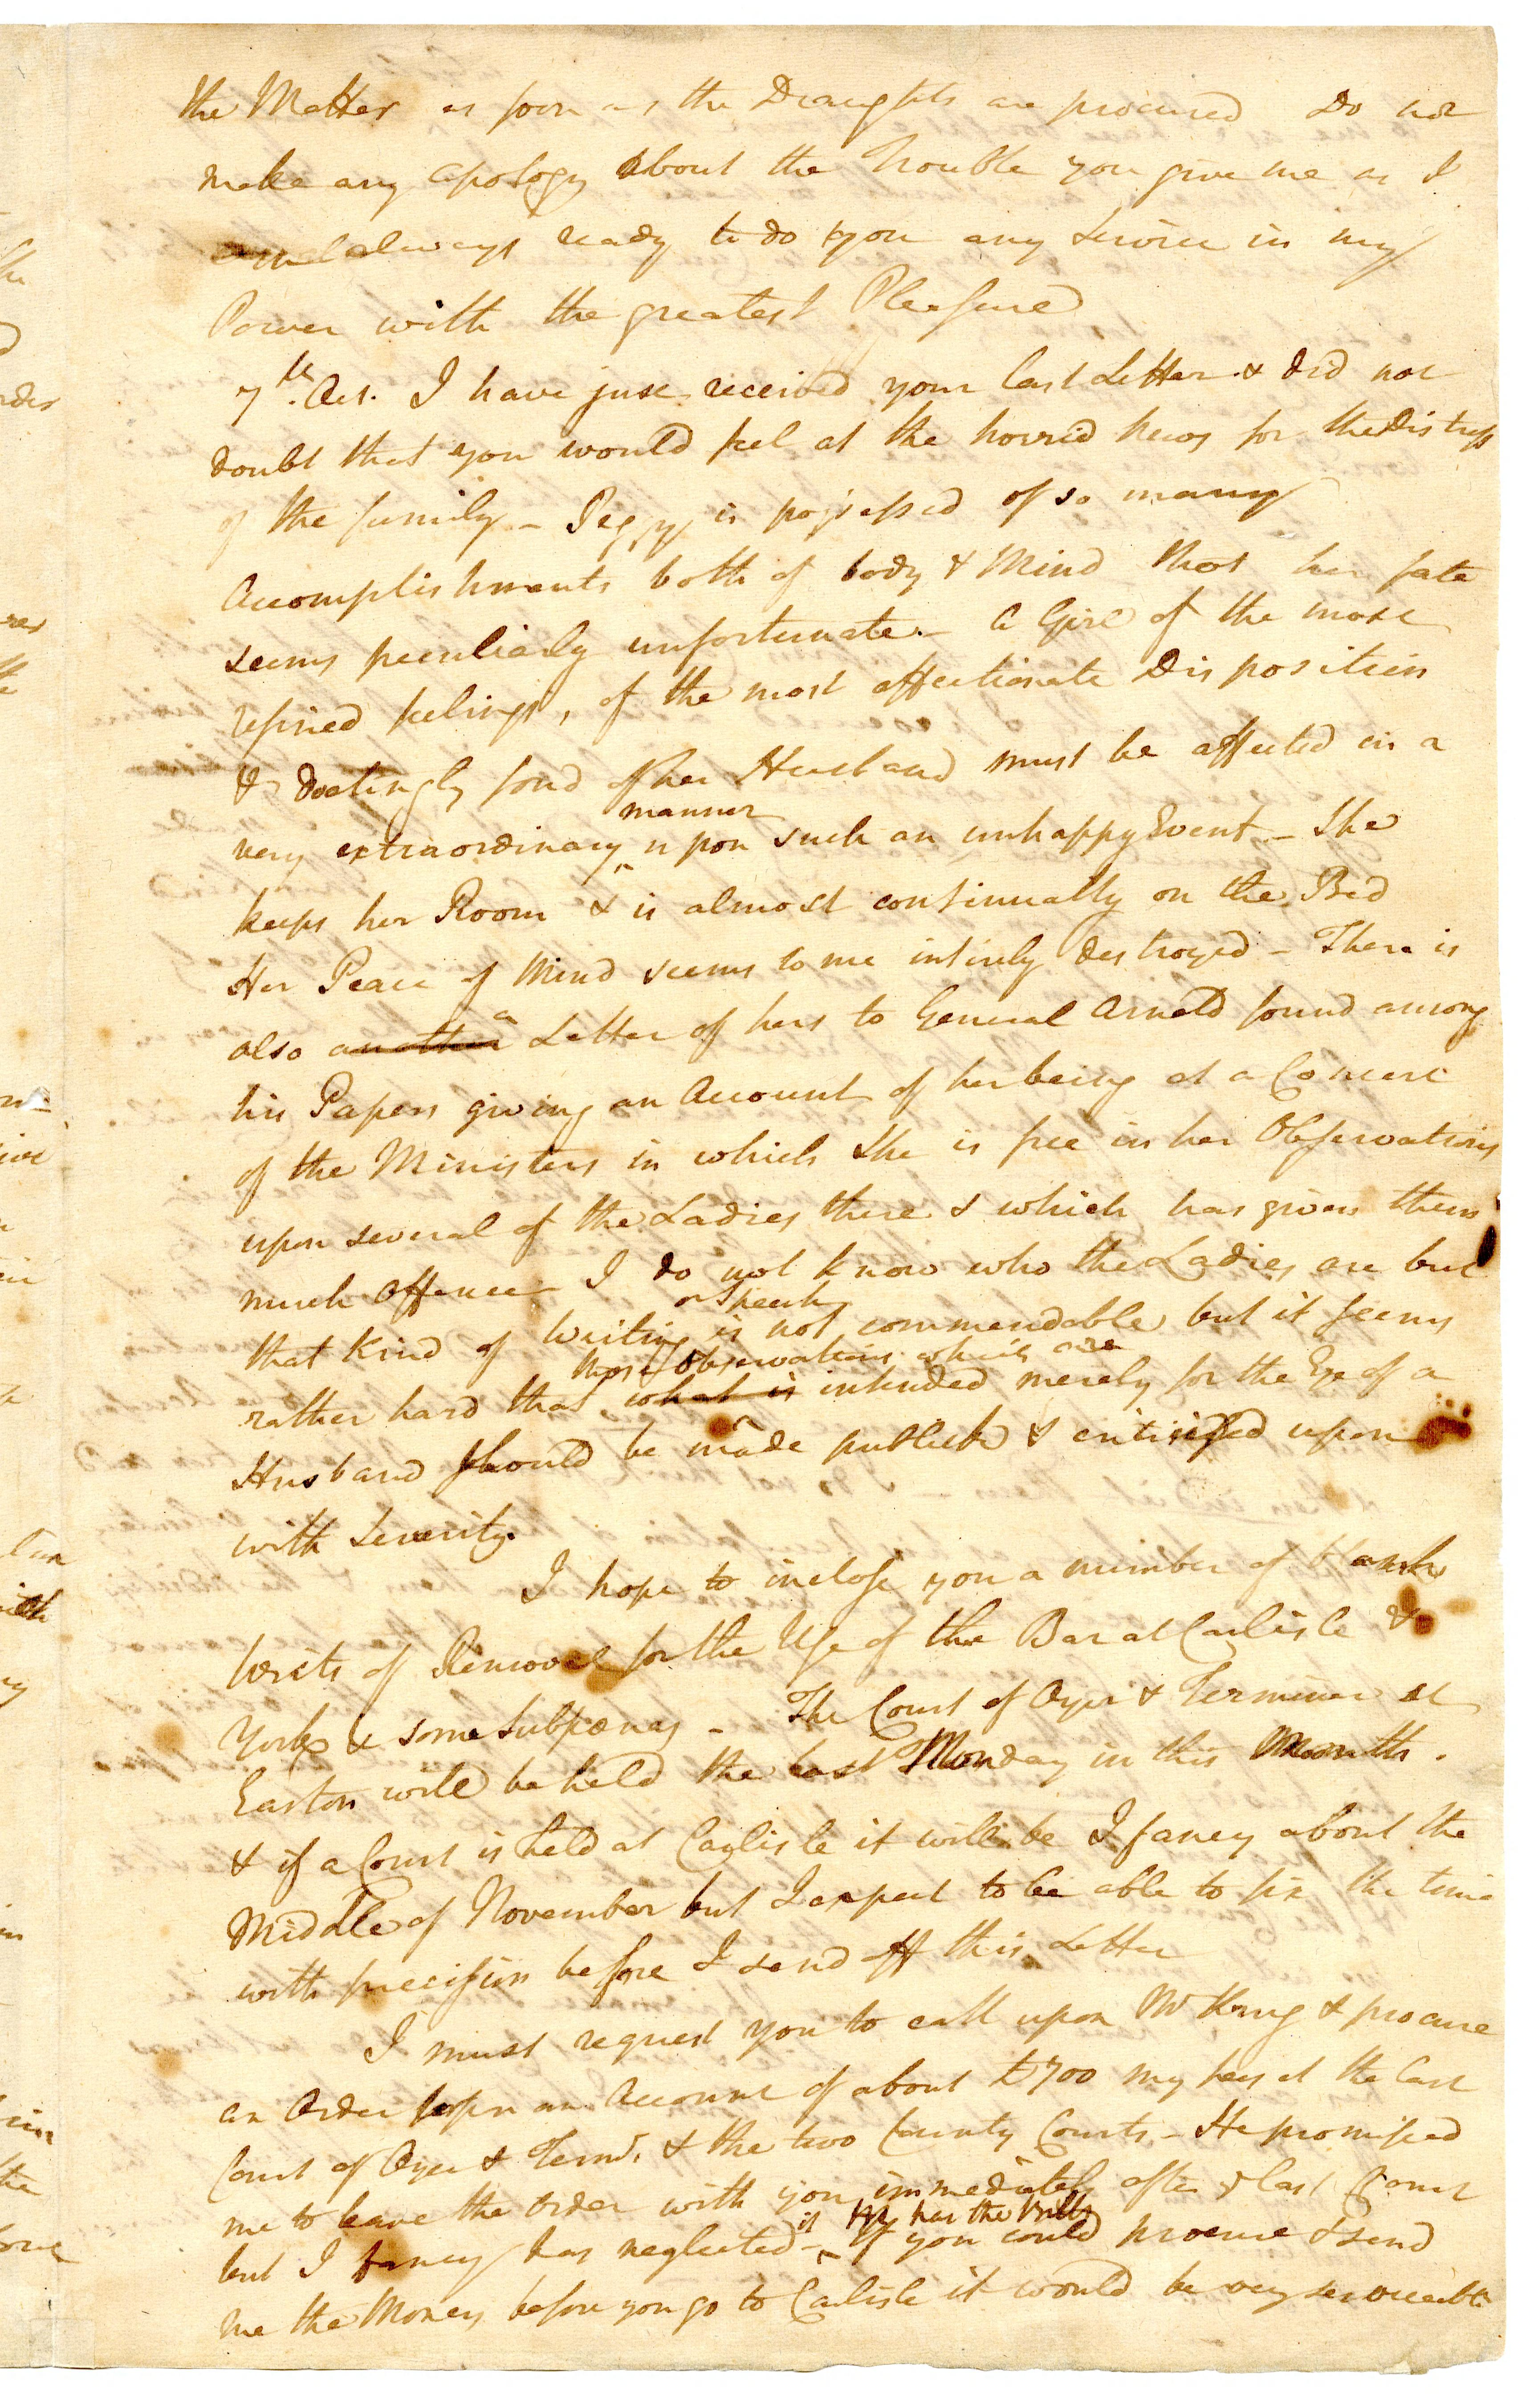the Matter as soon as the Draughts are procured. Do not
make any apology about the Trouble you give me as I
am always ready to do you any Service in my
Power with the greatest Pleasure
7^th. Oct. I have just received your last Letter & did not
doubt that you would feel at the horrid news for the distress
of the family. Peggy is possessed of so many
Accomplishments both of body & Mind that her fate
seems peculiarly unfortunate. A Girl of the most
refined feelings, of the most affectionate Disposition
& doatingly fond of her Husband must be affected in a
manner
very extraordinary ^ upon such an unhappy Event. She
keeps her Room & is almost continually on the Bed
Her Peace of Mind seems to me intirely destroyed. There is
also another ^ Letter of hers to General Arnold found among
his Papers giving an Account of her being of a Concert
of the Ministers in which she is free as her Observations
upon several of the Ladies there & which has given them
much Offence. I do not know who the Ladies are but
a Speech
that kind of Writing is not, commendable but it seems
those observations which are
rather hard that ^ what is intended merely for the Eye of a
Husband should be made publick & intruded upon
with severity.
I hope to inclose you a member of blank
Writs of Removal for the Use of the Bar at Carlisle &
York & some subponas. The Court of Oyer & Terminar at
Easton will be held the last Monday in this Month.
& if a Court is held at Carlisle it will be I fancy about the
Middle of November but I appeal to be able to fix the time
with precision before I send off this Letter
I must request you to call upon M^r Krug & procure
an Order to open an Account of about £700 my fees at the last
Court of Oyer & Tem^r & the two County Courts. He promised
me to leave the order with you immediately after y^e last Court
it he has the Bill
but I fancy hes neglected ^ If you could procure & send
me the Money before you go to Carlisle it would be very serviceable